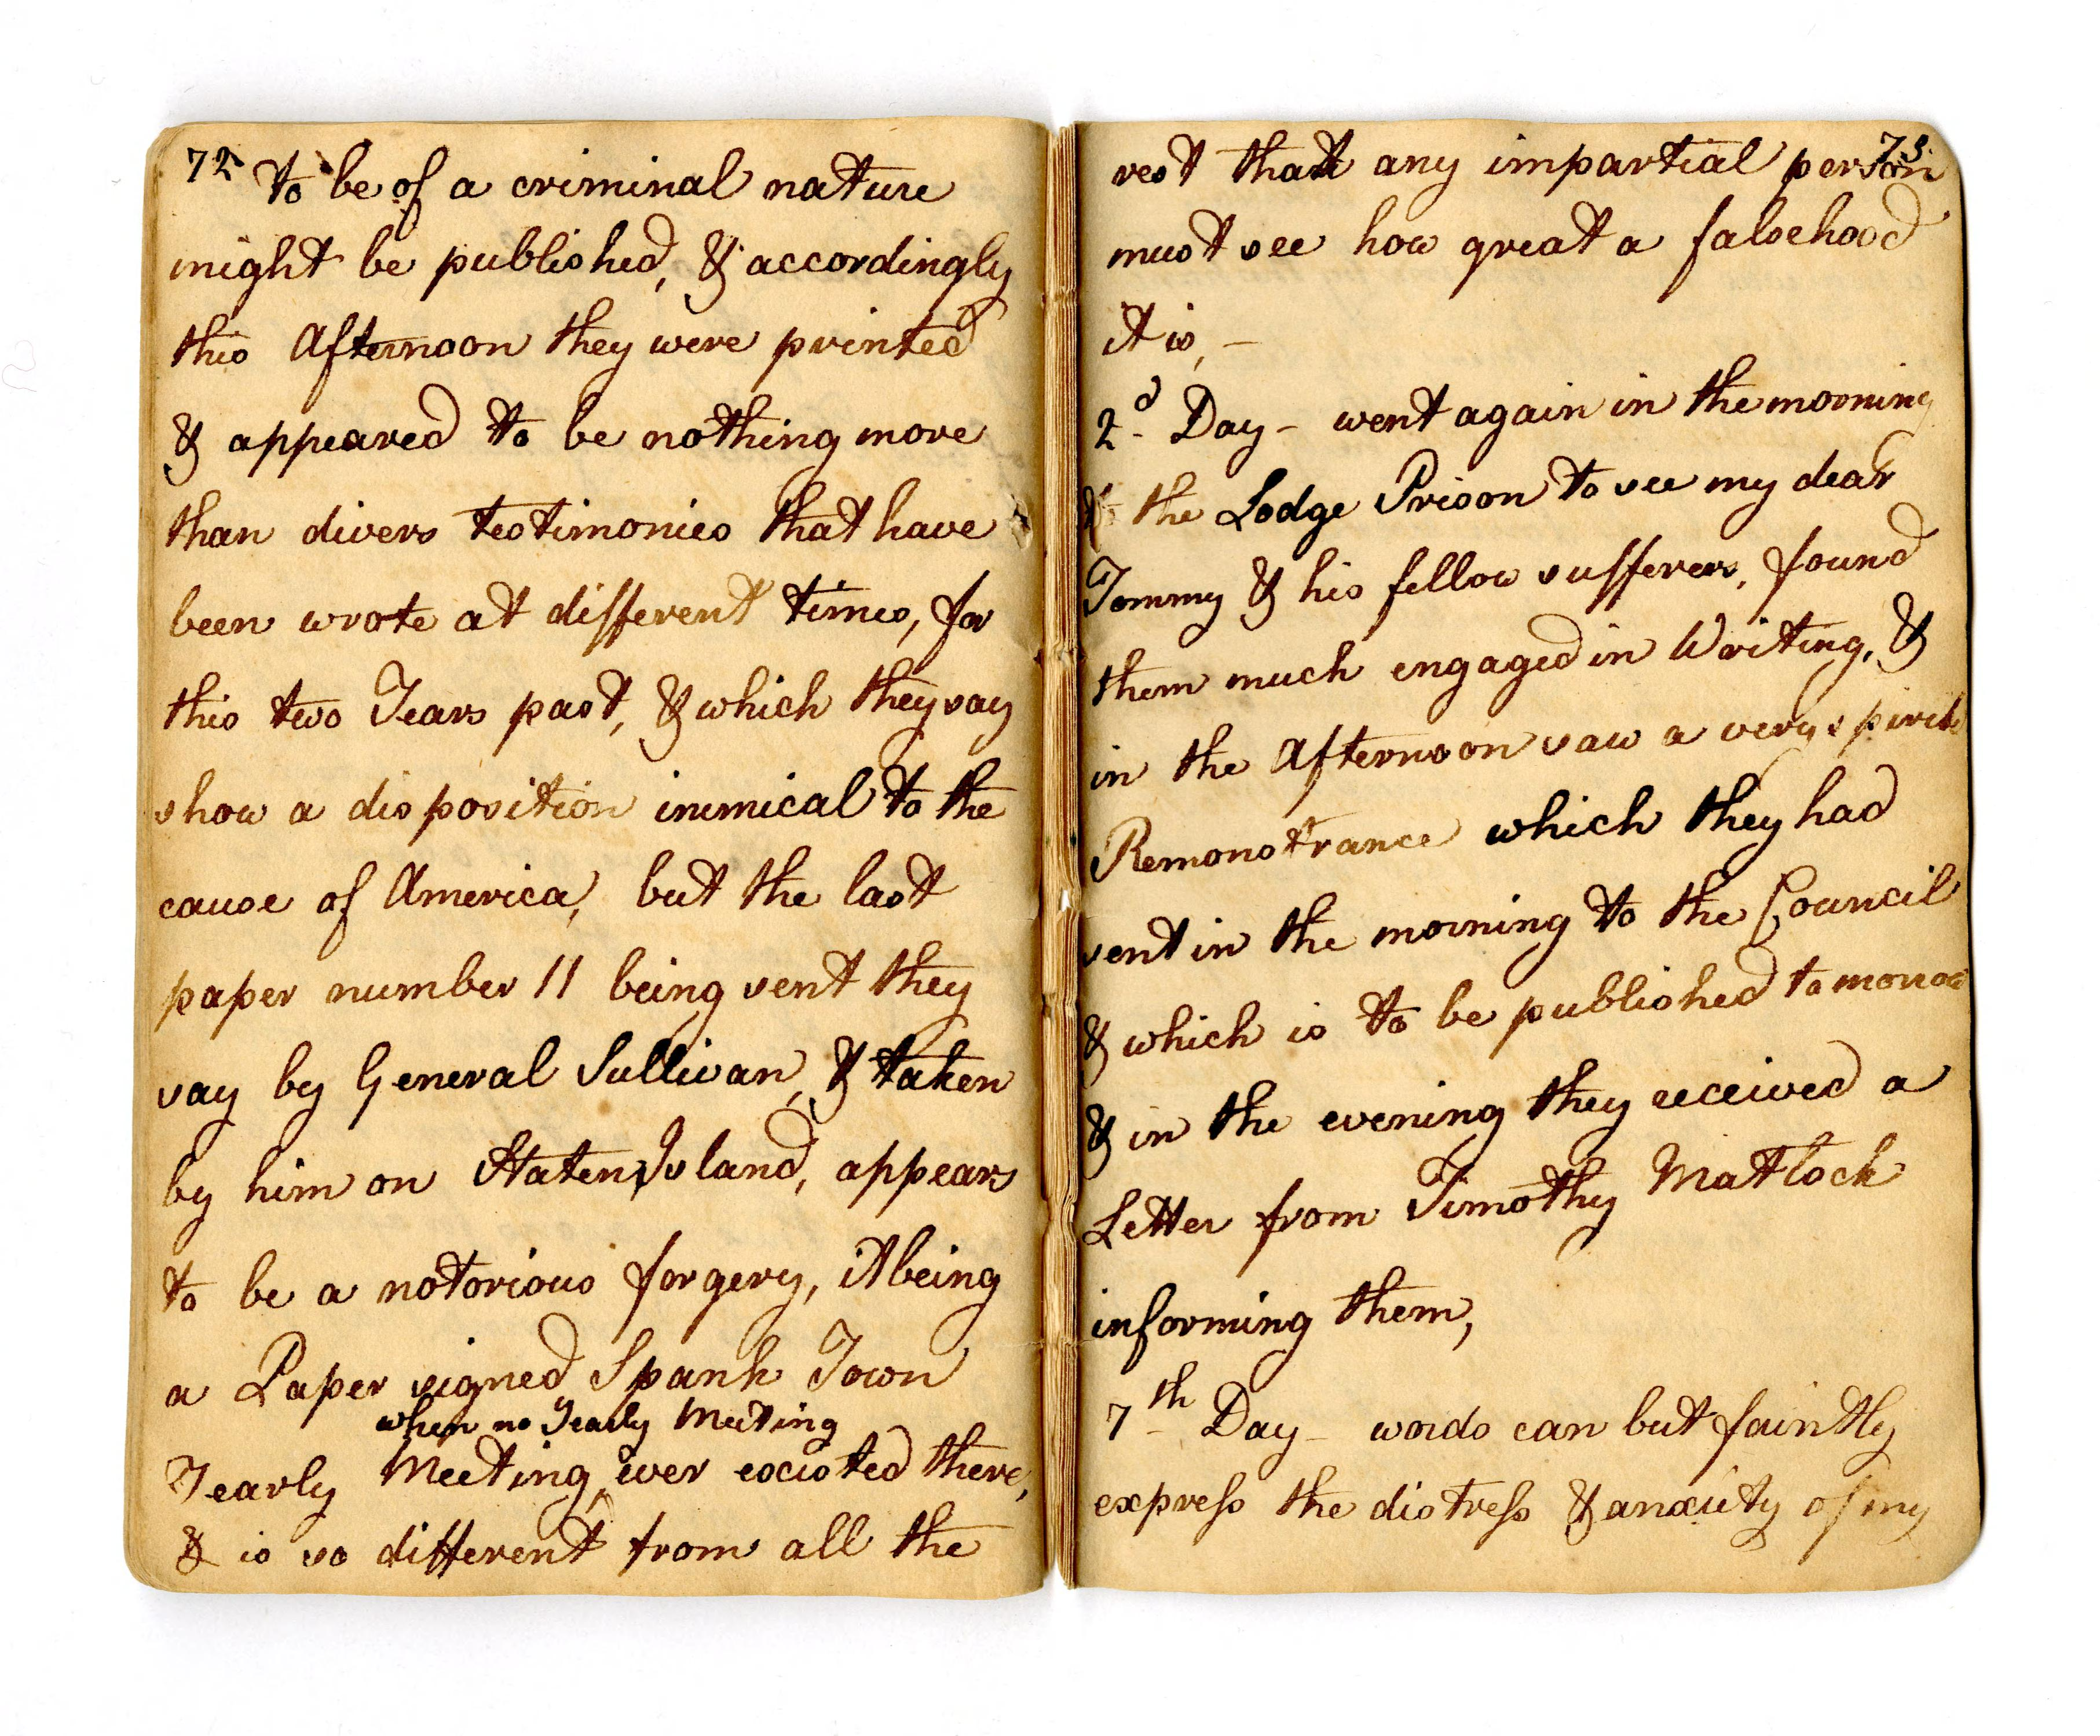to be of a criminal nature
might be published, & accordingly
this Afternoon they were printed
& appeared to be nothing more
than divers testimonies that have
been wrote at different times, for
this two Years past, & which they say
show a disposition inemical to the
cause of America, but the last
paper number 11 being sent they
say by General Sullivan, & taken
by him on Staten Island, appears
to be a notorious forgery, it being
a Paper signed Spank Town
when no Yearly Meeting
Yearly Meeting ^ ever existed there,
& is so different from all the
rest that any impartial person
must see how great a falsehood
it is,-
2^d. Day- went again in the morning
to the Lodge Prison to see my dear
Tommy & his fellow sufferers, found
them much engaged in Writing, &
in the Afternoon saw a very spiritd
Remonstrance which they had
sent in the morning to the Council
& which is to be published to morrow
& in the evening they received a
Letter from Timothy Matlock
informing them,
7^th Day- words can but faintly
express the distress & anxiety of my